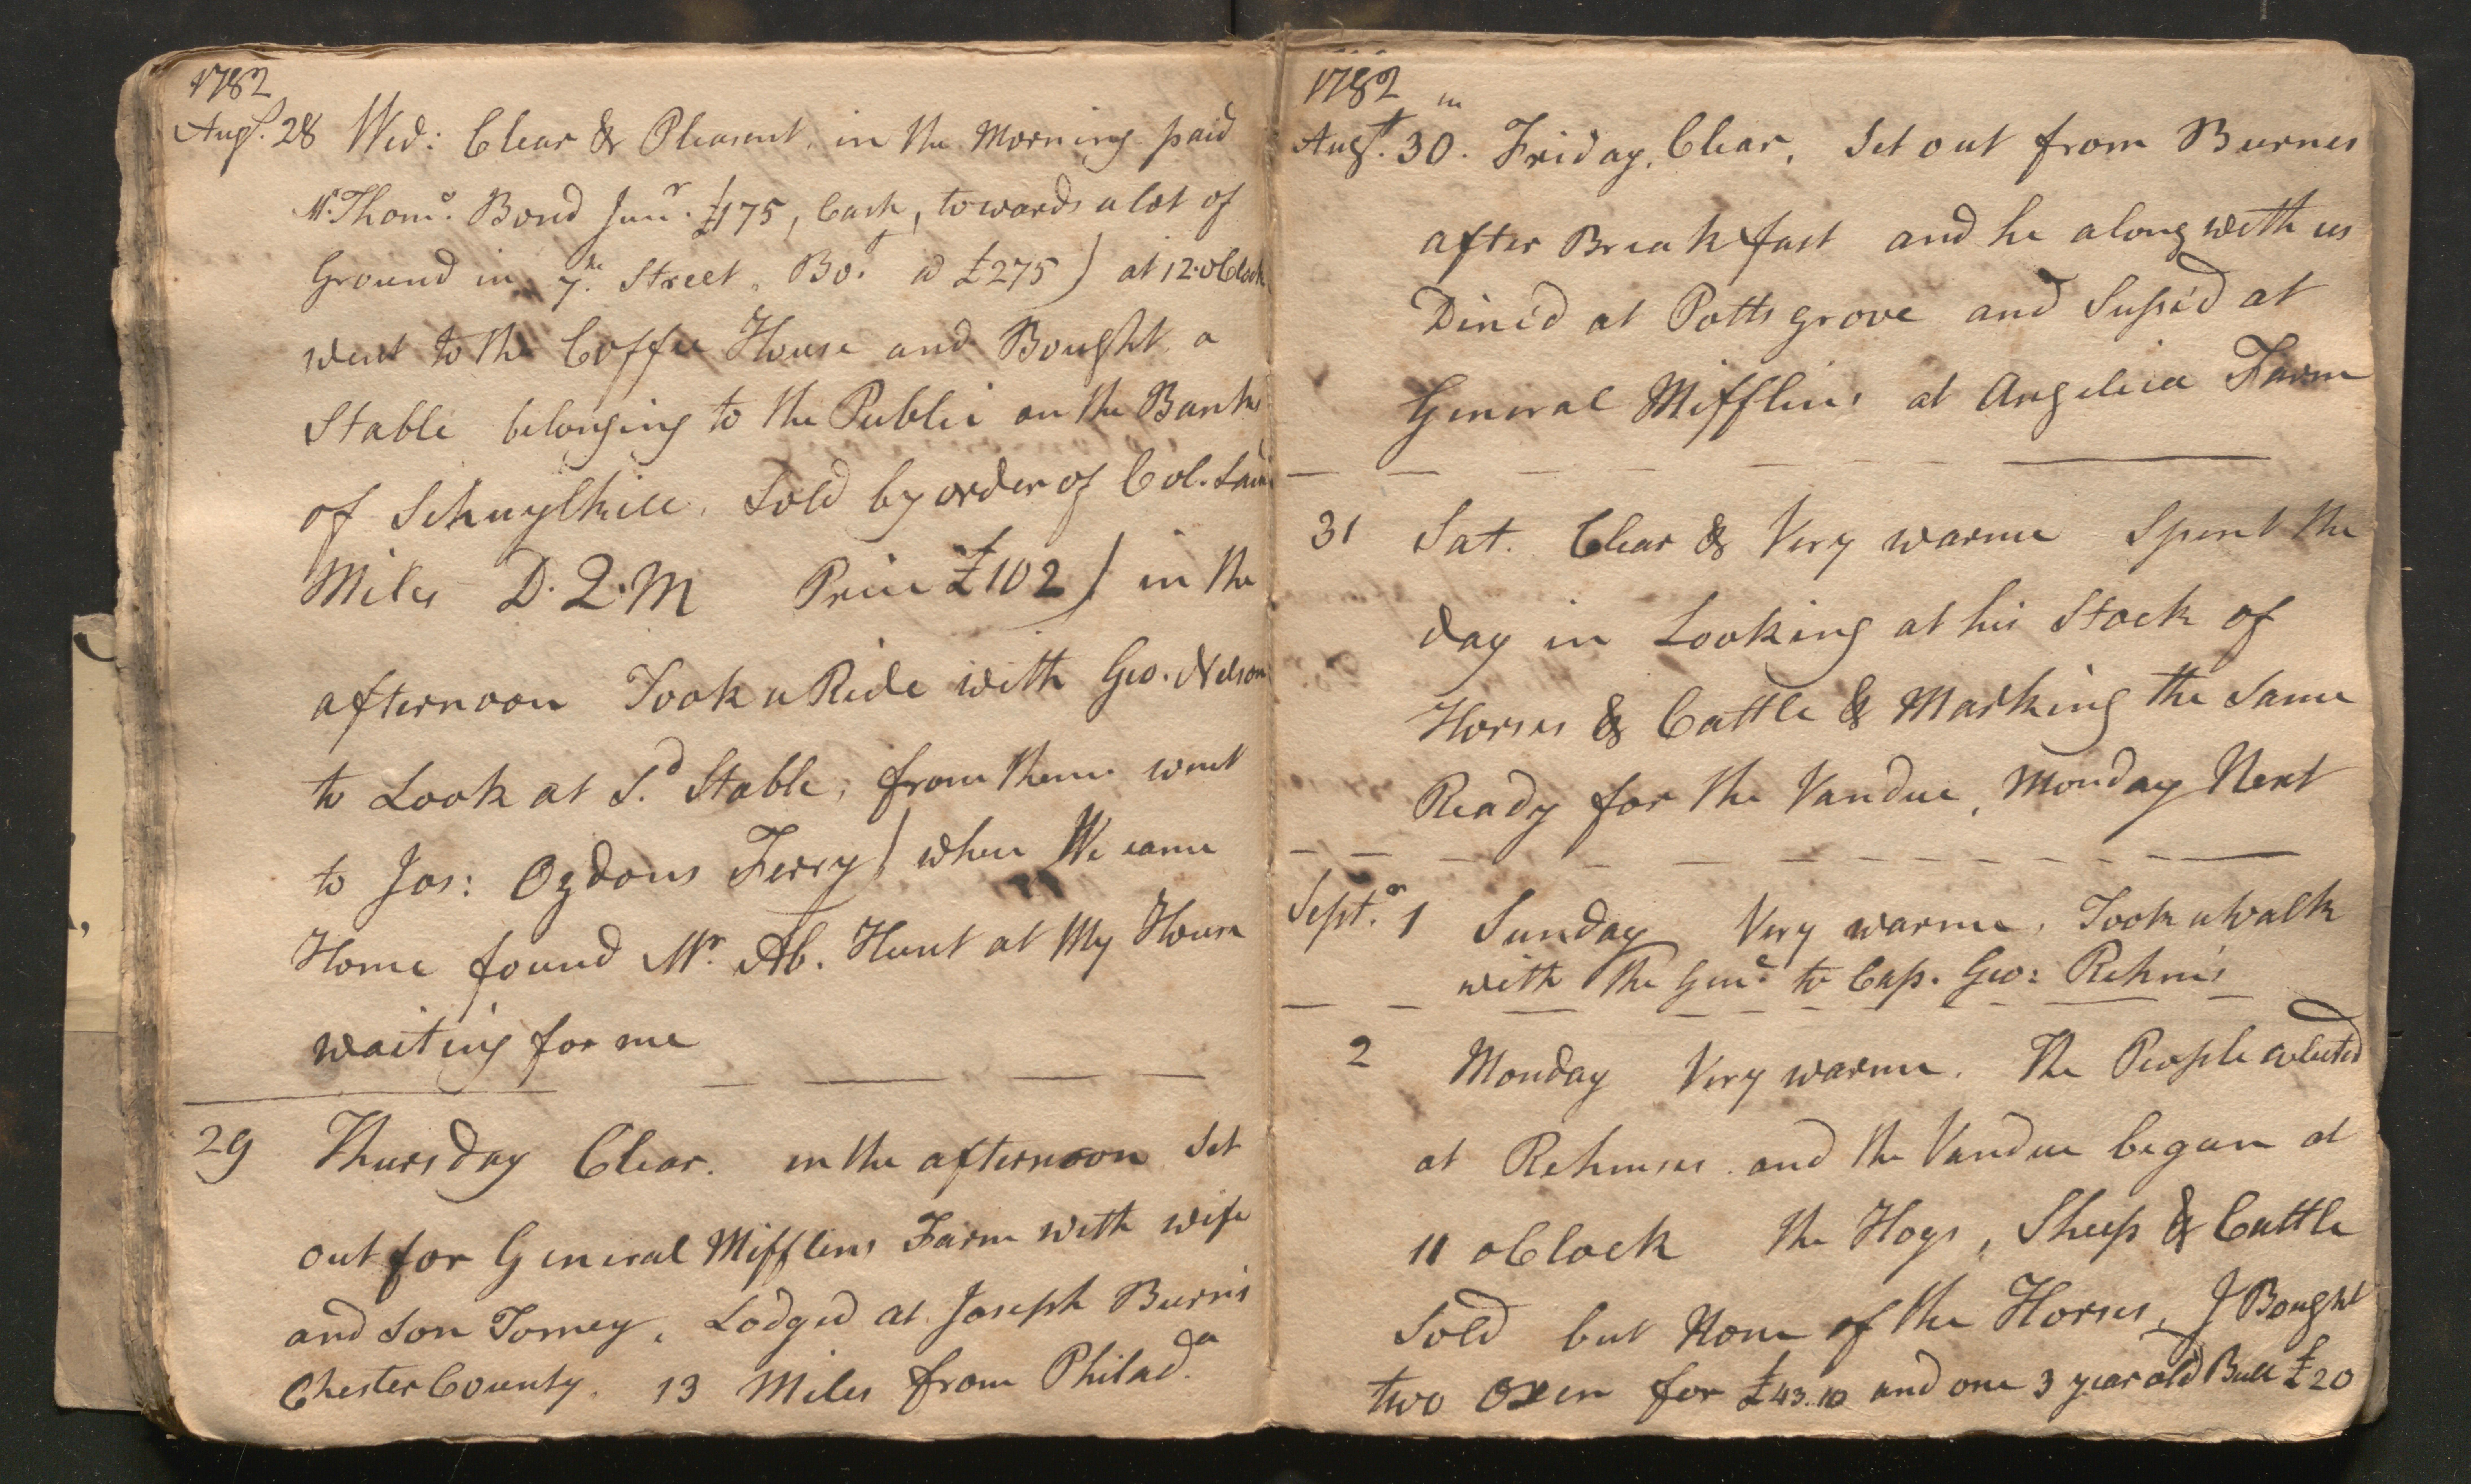1782
Aug^t. 28 Wed: Clear & Pleasent, in the Morning paid
M^r. Thom^s. Bond Jun^r. £175, Cask, towards a lot of
Ground in 7^th. Street. Bo^t. @ £275) at 12 oClock
went to the Coffee House and Bought a
Stable belonging to the Public on the Bank
of Schuylkill. sold by order of Col. Law
Miles D.Q.M Price £102 ) in the
afternoon Took a Ride with Geo. Nelson
to Look at s^d. Stable, from thence went
to Jos: Ogdons Ferry) when We came
Home found M^r. Ab. Hunt at My House
waiting for me
29 Thursday Clear. in the afternoon set
out for General Mifflins Farm with wife
and Son Tomey, Lodged at Joseph Burns
Chester County. 13 Miles from Philad^a.
1782
Aug^t. 30^h. Friday. Clear, set out from Burnes
after Breakfast and he along with us
Dine'd at Potts grove and Supe'd at
General Mifflins at Angelica Farm
31 Sat. Clear & Very warme spent the
day in Looking at his Stack of
Horses & Cattle & Marking the same
Ready for the Vandue Monday Next
Sept^r. 1 Sunday Very warme, Took a walk
with the Gen^l. to Cap. Geo:. Rehm's
2 Monday Very warme. The People colected
at Rehmses, and the Vandue began at
11 oClock the Hogs, Sheep & Cattle
sold but None of the Horses, I Bought
two oxen for £43.10 and one 3 year old Bull £20